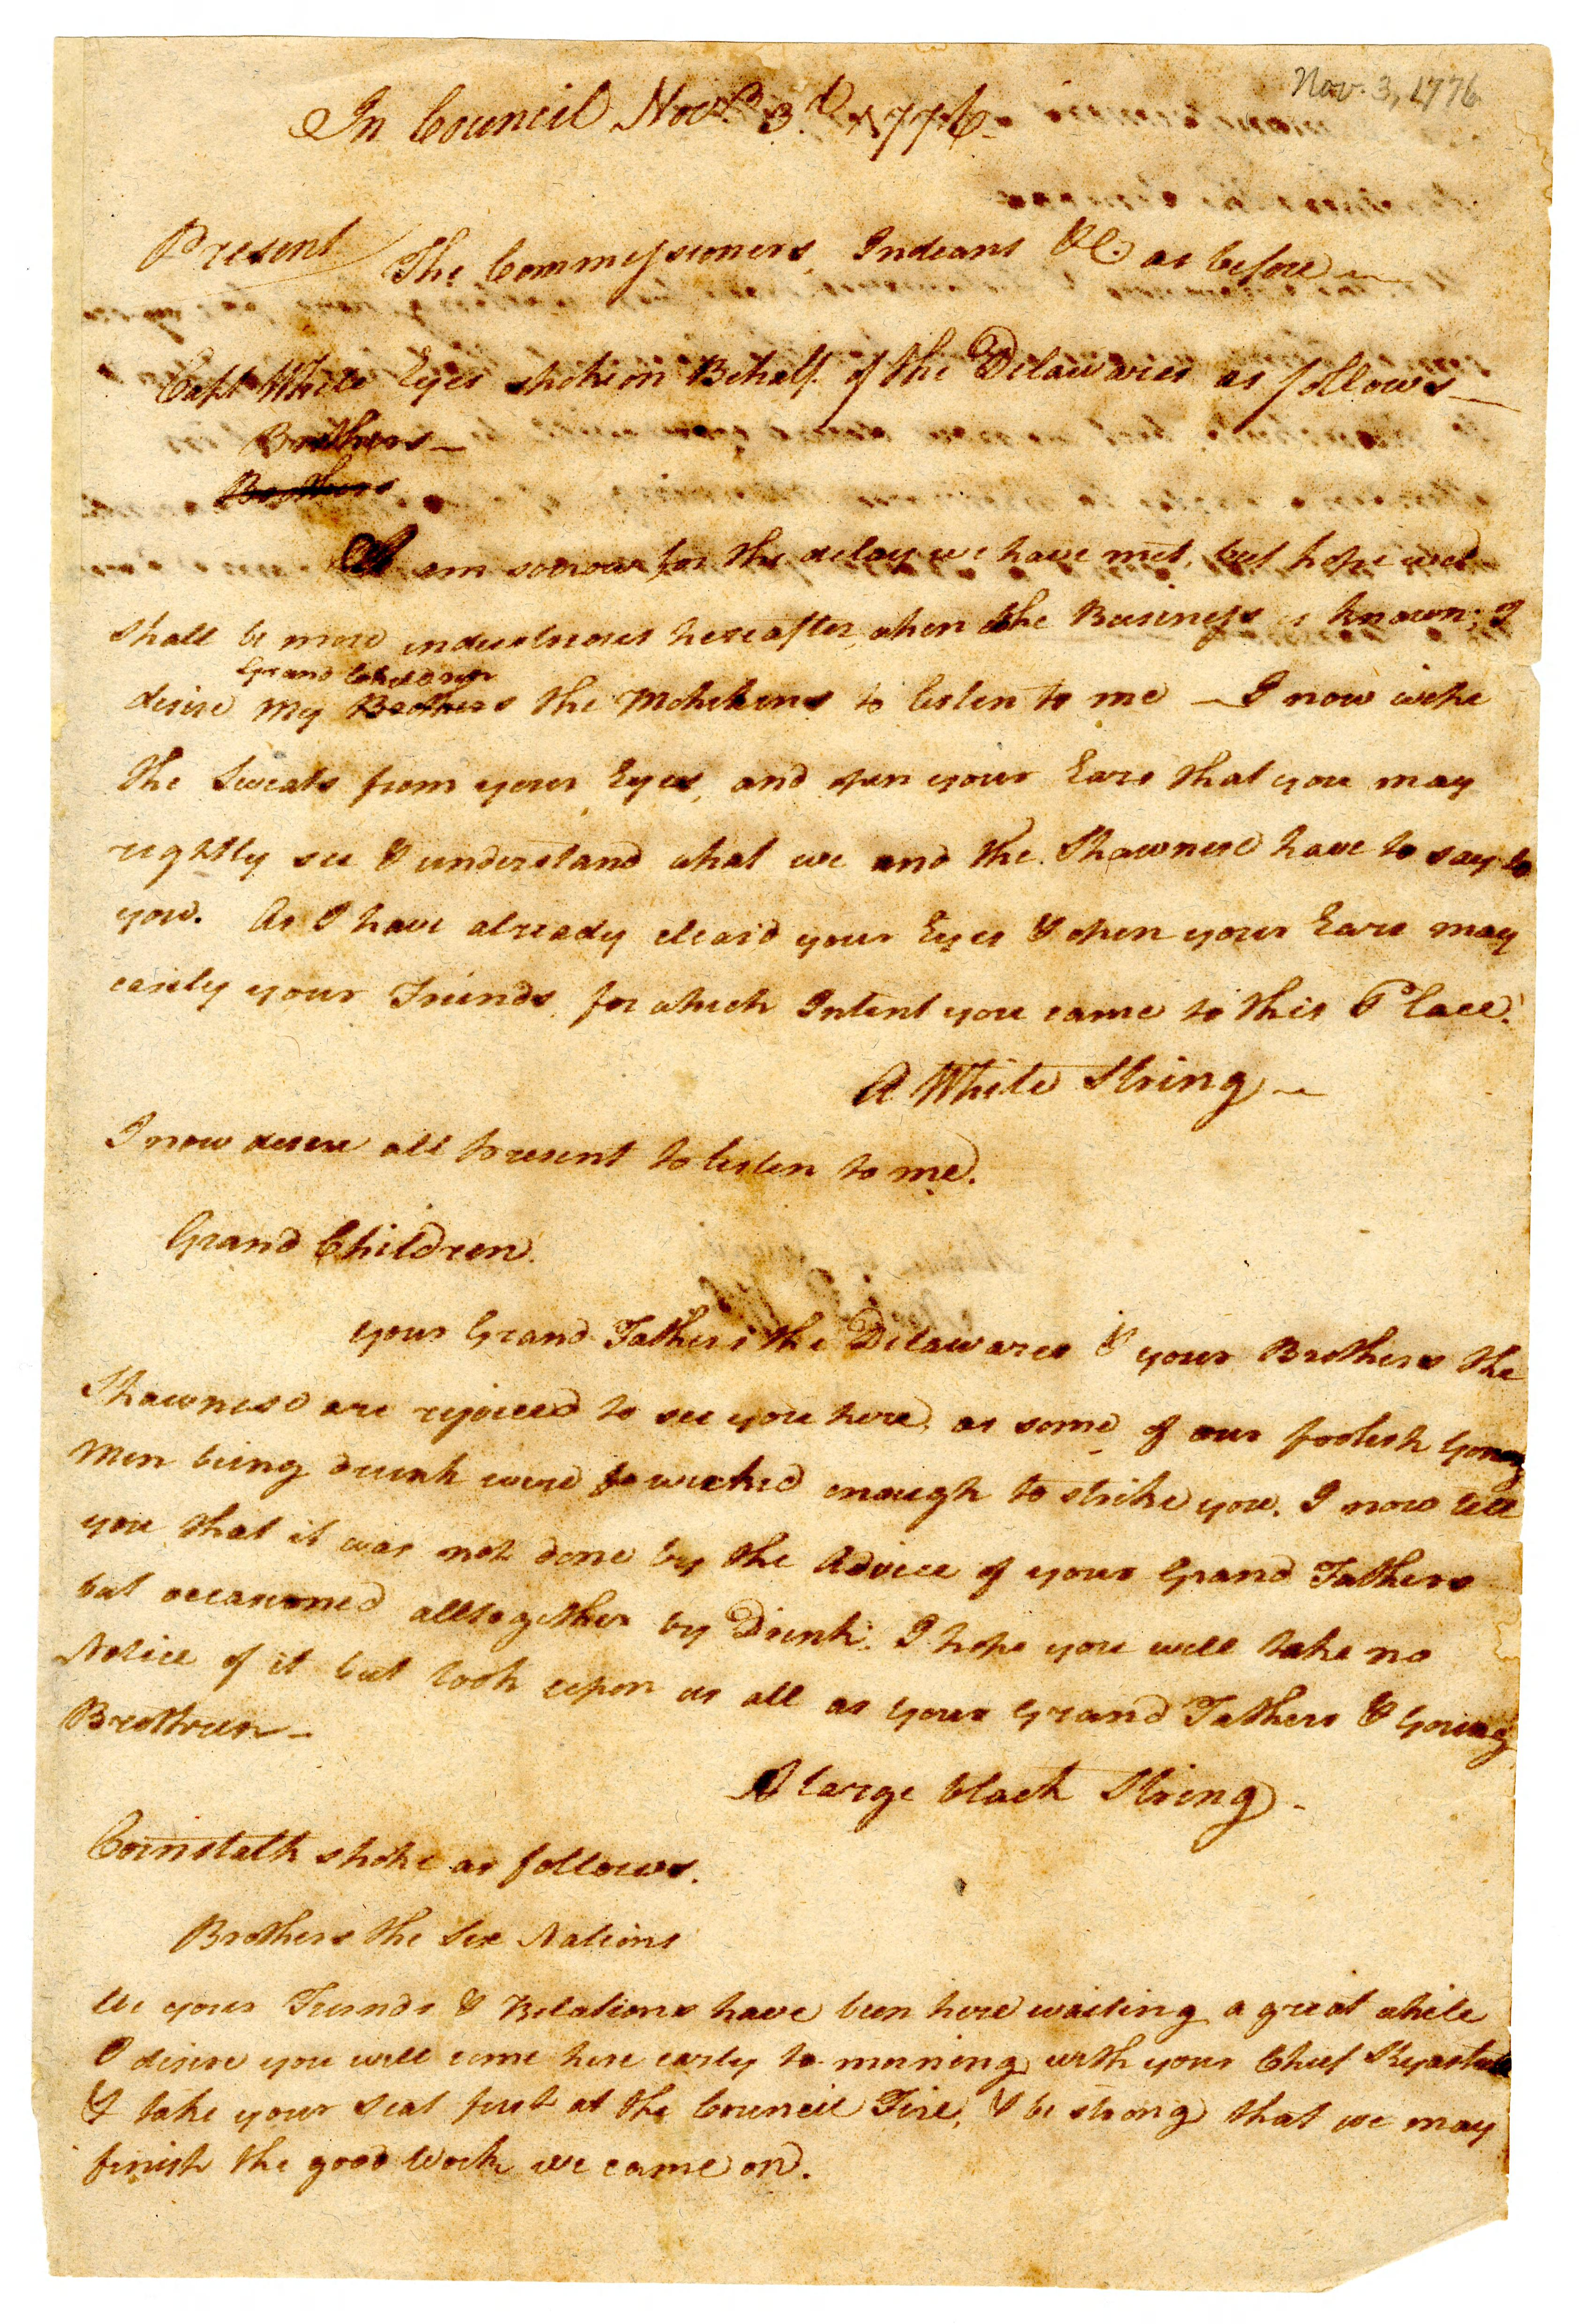In Council Nov^r. 3.^d, 1776.
Present
The Commissoners, Indeans &c as before-
Capt White Eyes spoke on Behalf of the Delawares as follows-
Brothers-
Brothers
I am sorry for the delay we have met, but hope we
shall be more industrious hereafter when the Business is known; I
Grand Children
desire my ^ Brothers the mohekins to listen to me. I now wipe
The Sweats from your Eyes, and open your Ears that you may
rightly see & understand what we and the Shawnese have to say to
you. As I have already clear'd your Eyes & open your Ears may
easily your Friends, for which Intent you came to this Place.
I now desire all present to listen to me.
A White String-
Grand Children.
your Grand Fathers The Delawares & your Brothers the
Shawnese are rejoiced to see you here as some of our foolish young
Men being drunk were so wicked enough to strike you. I now tell
you that it was not done by the Advice of your Grand Fathers
but occasioned alltogether by Drink. I hope you will take no
Notice of it but look upon us all as your Grand Fathers & Young
Brethren-
A large black String.
Cornstalk spoke as follows.
Brothers the six Nations
We your Friends & Relations have been here waiting a great while
I desire you will come here early to morning with your Chief Keyashuta
& take your seat first at the Council Fire, & be strong that we may
finish the good work we came on.